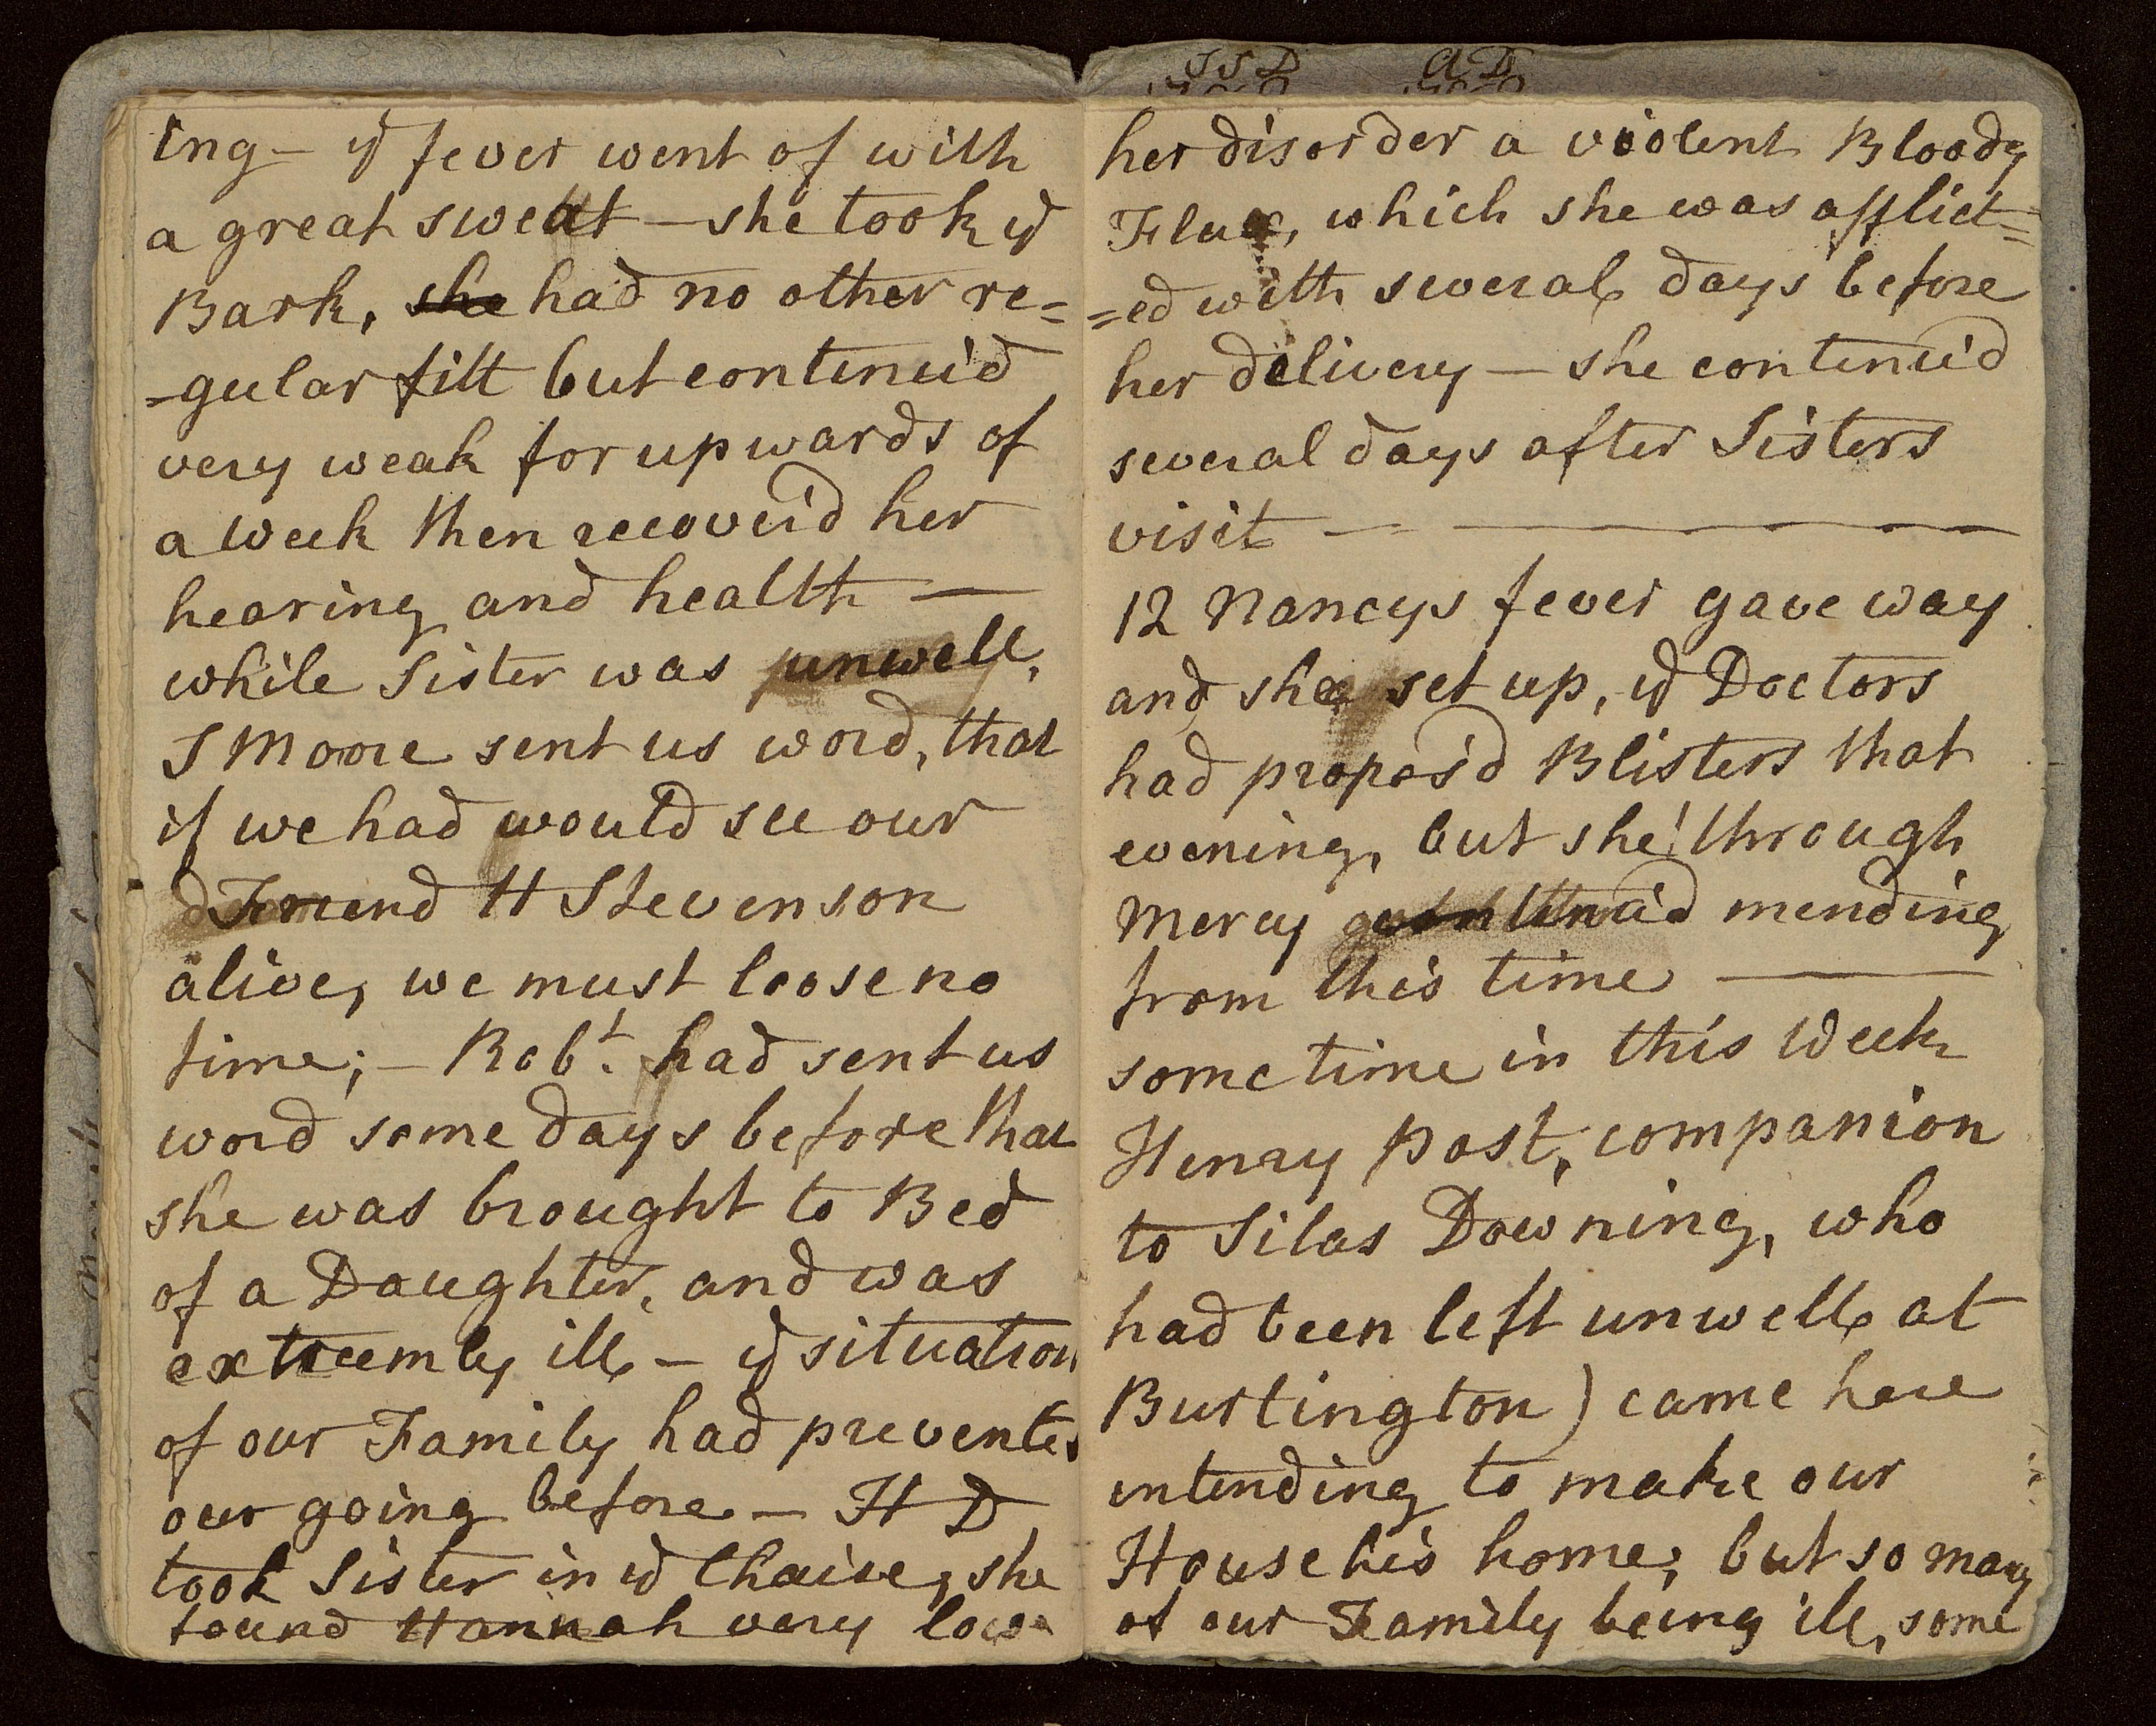ing- y^e fever went of with
a great sweat- she took y^e
Bark, she had no other re-
-gular fitt but continu'd
very weak for upwards of
a week then recover'd her
hearing, and health-
while Sister was unwell,
S Moore sent us word, that
if we had would see our
Friend H Stevenson
alive, we must loose no
time;- Rob^t. had sent us
word some days before that
she was brought to Bed
of a Daughter, and was
extreemly ill- y^e situation
of our Family had prevented
our going before- HD
took Sister in y^e Chaise, she
found Hannah very low
her disorder a violent Bloody
Flux, which she was afflict-
-ed with several days before
her delivery- she continu'd
several days after Sisters
visit
12 Nancys fever gave way
and she set up, y^e Doctors
had propos'd Blisters that
evening, but she through
mercy continu'd mending
from this time
some time in this Week
Henry Past companion
to Silas Downing, who
had been left unwell at
Burlington ) came here
intending to make our
House his home, but so many
of our Family being ill, some